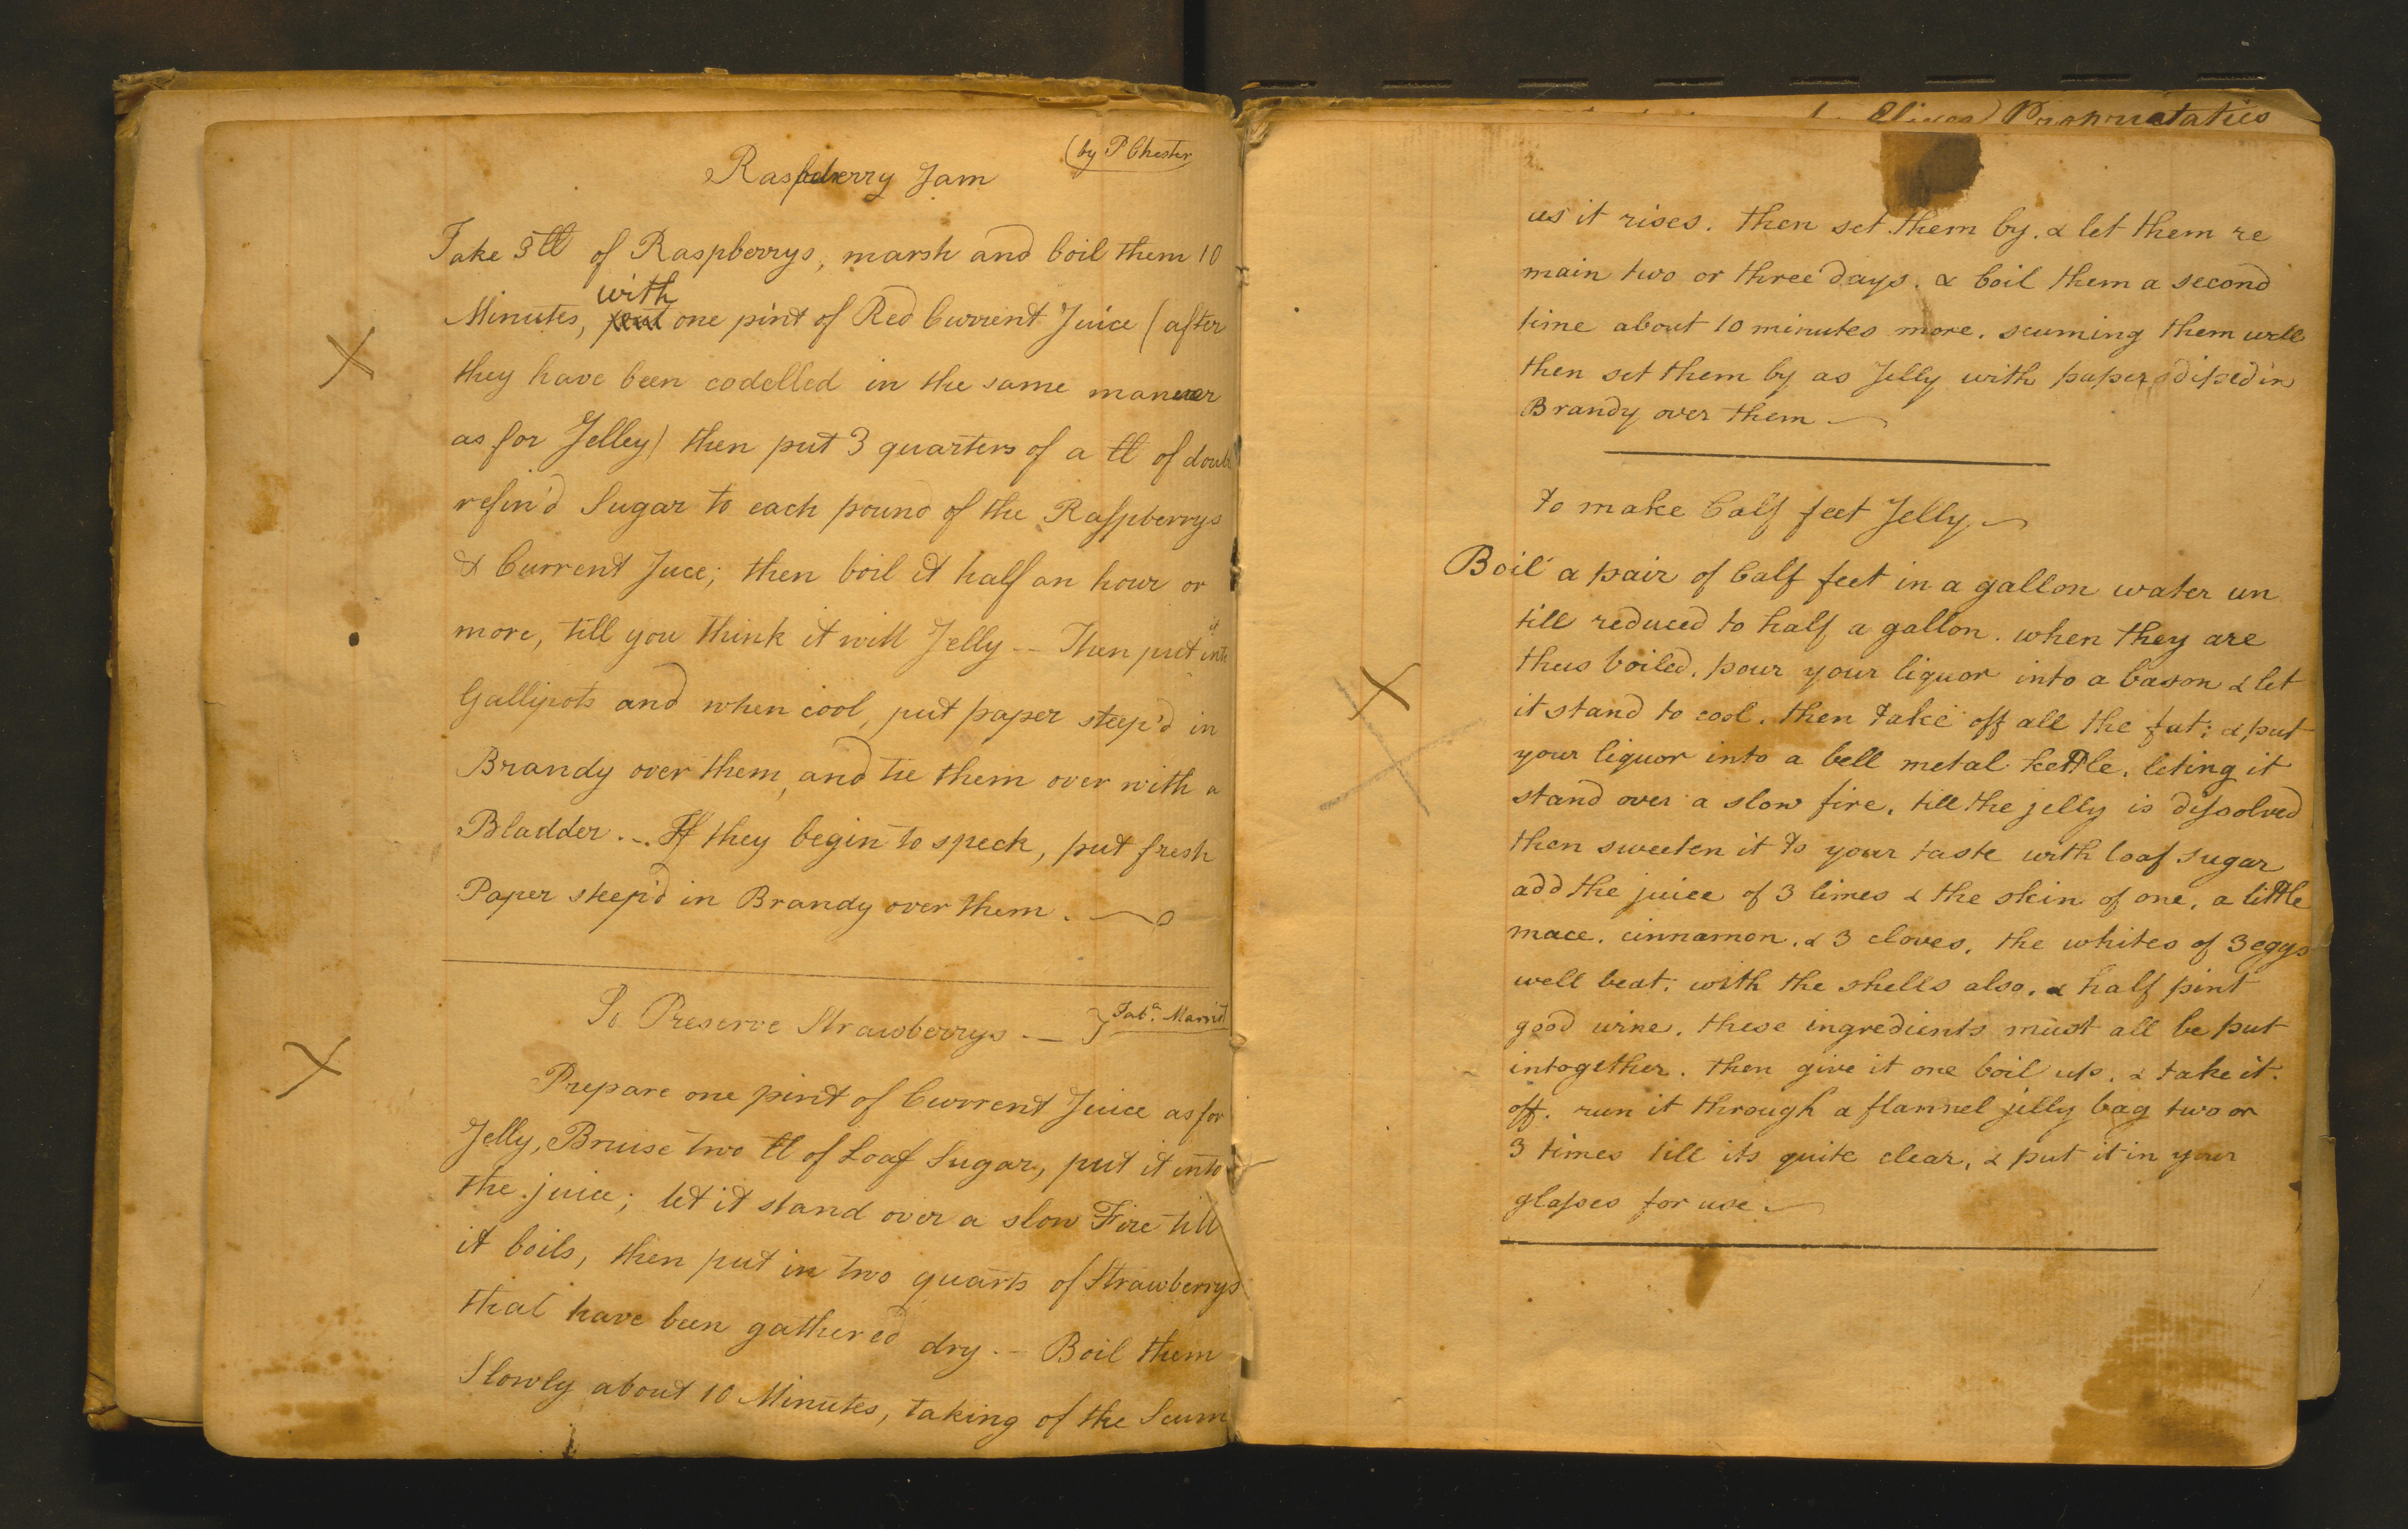Raspberry Jam
by P Chester
Take 3 lb of Raspberrys, marsh and boil them 10
Minutes, [___] one pint of Red Current Juice (after
with
they have been codelled in the same manner
as for Jelley) then put 3 quarters of a lb of double
refin'd sugar to each pound of the Raspberrys
& Current Juce; then boil it half an hour or
more, till you think it will Jelly-- Then put into
Gallipots and when cool, put paper steep'd in
Brandy over them, and tie them over with a
Bladder... If they begin to speck, put fresh
Paper steep'd in Brandy over them.-
To Preserve Strawberrys.-
Jab^a. Marriot
Prepare one pint of Current Juice as for
Jelly, Bruise two lb of Loaf sugar, put it into
the juice; let it stand over a slow Fire till
it boils, then put in two quarts of strawberrys
that have been gathered dry.- Boil them
slowly about 10 Minutes, taking of the scum
as it rises. then set them by. & let them re
main two or three days. & boil them a second
time about 10 minutes more. scuming them well
then set them by as Jelly with paper diped in
Brandy over them-
to make Calf feet Jelly
Boil a part of Calf feet in a gallon water un
till reduced to half a gallon. when they are
thus boiled, pour your liquor into a bason & let
it stand to cool. then take off all the fat; & put
your liquor into a bell metal kettle, leting it
stand over a slow fire, till the jelly is dissolved
then sweeten it to your taste with loaf sugar
add the juice of 3 limes & the skin of one, a little
mace, cinnamon, & 3 cloves, the whites of 3 eggs
well beat, with the shells also, & half pint
good wine. these ingredients must all be put
intogether. then give it one boil up, & take it.
off. run it rhgouh a flannel jelly bag two or
3 times till its quite clear, & put it in your
glasses for use-